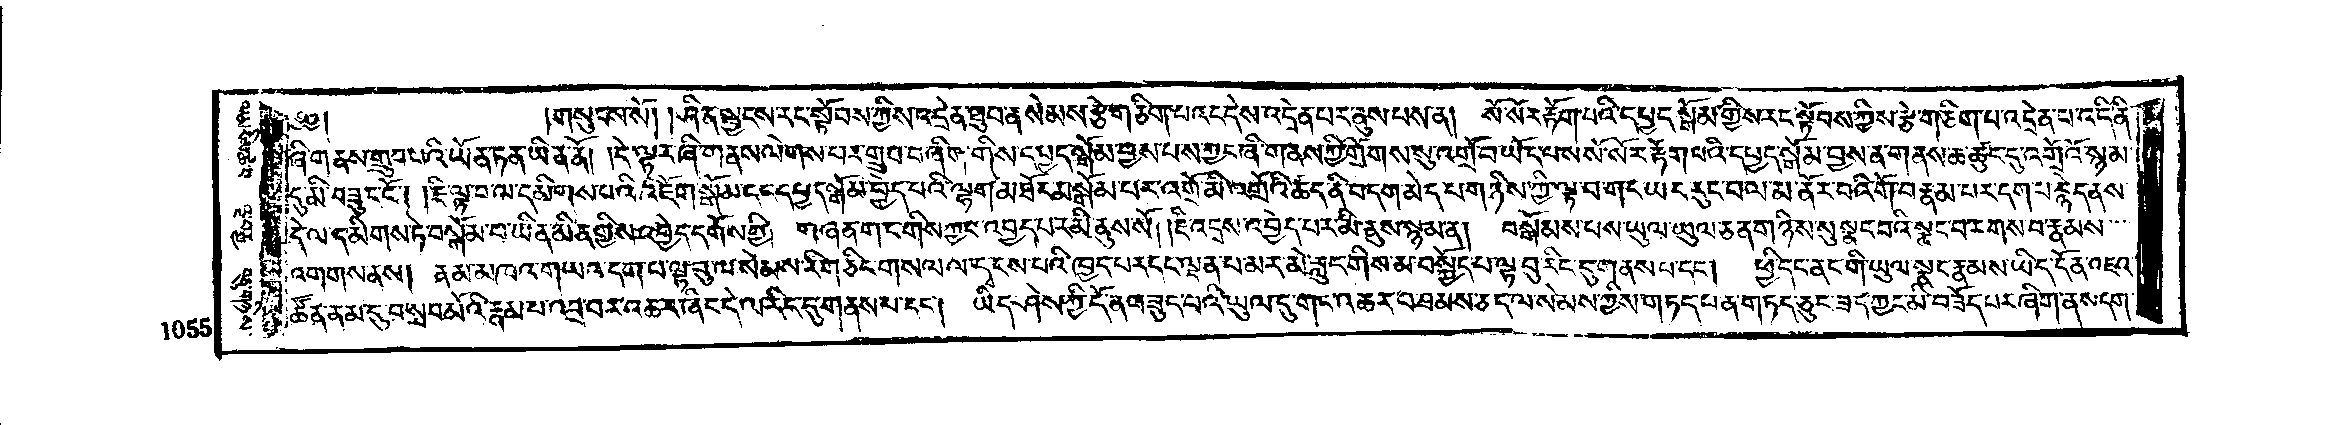༄༅། །གསུངས་སོ། །ཤིན་སྦྱངས་རང་སྟོབས་ཀྱིས་འདྲེན་ཐུབ་ན་སེམས་རྩེ་གཅིག་པའང་དེས་འདྲེན་པར་ནུས་པས་ན། སོ་སོར་རྟོག་པའི་དཔྱད་སྒོམ་གྱིས་རང་སྟོབས་ཀྱིས་རྩེ་གཅིག་པ་འདྲེན་པ་འདི་ནི་
ཞི་གནས་གྲུབ་པའི་ཡོན་ཏན་ཡིན་ནོ། །དེ་ལྟར་ཞི་གནས་ལེགས་པར་གྲུབ་པ་ཞིག་གིས་དཔྱད་སྒོམ་བྱས་པས་ཀྱང་ཞི་གནས་ཀྱི་གྲོགས་སུ་འགྲོ་བ་ཡོད་པས་སོ་སོར་རྟོག་པའི་དཔྱད་སྒོམ་བྱས་ན་གནས་ཆ་ཆུང་ངུ་འགྲོའོ་སྙམ་
དུ་མི་བཟུང་ངོ། །ཇི་ལྟ་བ་ལ་དམིགས་པའི་འཇོག་སྒོམ་དང་དཔྱད་སྒོམ་བྱེད་པའི་ལྷག་མཐོང་བསྒོམ་པར་འགྲོ་མི་འགྲོའི་ཚད་ནི་བདག་མེད་པ་གཉིས་ཀྱི་ལྟ་བ་གང་ཡང་རུང་བ་ལ་མ་ནོར་བའི་གོ་བ་རྣམ་པར་དག་པ་རྙེད་ནས་
དེ་ལ་དམིགས་ཏེ་བསྒོམ་པ་ཡིན་མིན་གྱིས་འབྱེད་དགོས་ཀྱི། གཞན་གང་གིས་ཀྱང་འབྱེད་པར་མི་ནུས་སོ། །ཇི་འདྲས་འབྱེད་པར་མི་ནུས་སྙམ་ན། བསྒོམས་པས་ཡུལ་ཡུལ་ཅན་གཉིས་སུ་སྣང་བའི་སྣང་བ་རགས་པ་རྣམས་
འགགས་ནས། ནམ་མཁའ་གཡའ་དག་པ་ལྟ་བུ་ལ་སེམས་རིག་ཅིང་གསལ་ལ་དྭངས་པའི་ཁྱད་པར་དང་ལྡན་པ་མར་མེ་རླུང་གིས་མ་བསྐྱོད་པ་ལྟ་བུ་རིང་དུ་གནས་པ་དང་། ཕྱི་དང་ནང་གི་ཡུལ་སྣང་རྣམས་ཡིད་ངོ་ན་འཇའ་
ཚོན་ནམ་དུ་བ་སྲབ་མོའི་རྣམ་པ་འདྲ་བར་འཆར་ཞིང་དེ་ལ་རིང་དུ་གནས་པ་དང་། ཡིད་ཤེས་ཀྱི་ངོ་ན་བཟུང་བའི་ཡུལ་དུ་གང་འཆར་བ་ཐམས་ཅད་ལ་སེམས་ཀྱིས་གཏད་པ་ན་གཏད་ཅུང་ཟད་ཀྱང་མི་བཟོད་པར་ཞིག་ནས་དག་